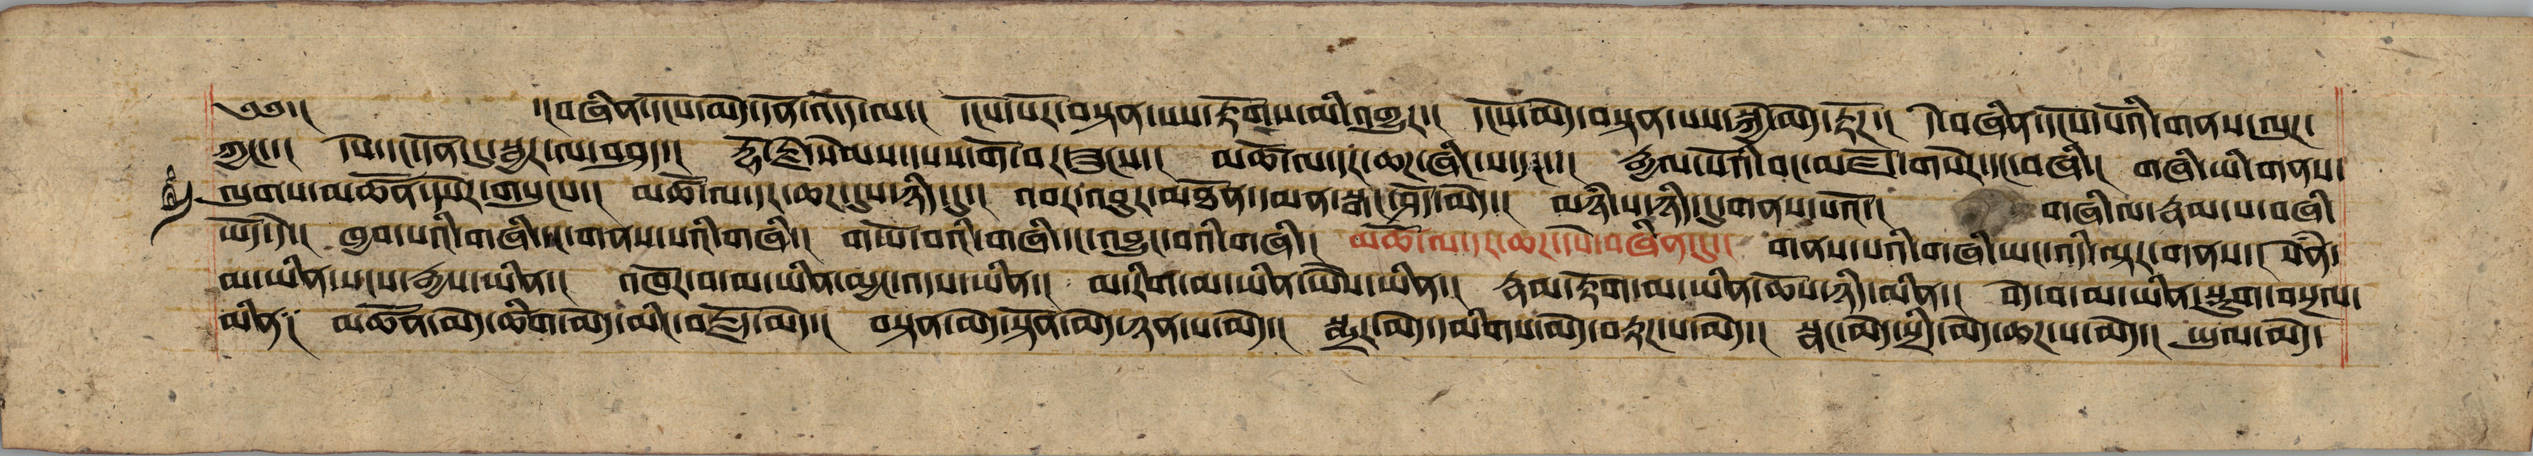༄༅་། ་།བཞིན་དངོས་མེད་དོན་འདོད་ལ་། དངོས་པོར་བསྟན་པས་རྟོགས་མི་འགྱུར་། དངོས་མེད་བསྟན་པས་སྐྱེ་མེད་རྟོཌ་། དེ་བཞིན་དངོས་པོའི་གནས་ལུཌ་
ཀྱང་་། དཔེ་དང་དོན་དུ་སྦྱར་ལ་བཤད་། རྡོ་རྗེ་སེམས་དཔའ་གོ་བར་ཟུངས་། མཚོ་ལ་དར་ཆཌ་ཞིང་པ་དང་་། རྒྱལ་པོའི་བང་མཛོད་གསེར་དང་བཞི་། གཞི་ཡི་གནས་
ལུགས་མཚོན་དཔེར་གསུངས་། མཚོ་ལ་དར་ཆཌ་དུས་ཉིད་དུ་། འབར་འབུར་མཐོན་དམན་སྒང་ཤོད་མེད་། མཉཾ་པ་ཉིད་དུ་གནས་པའོ་། གཞི་ལ་རྣམ་པ་བཞི་
ཡོད་དེ་། ཁྱབ་པའི་གཞི་དང་གནས་པའི་གཞི་། གཡོ་བའི་གཞི་དང་འབྱུང་བའི་གཞི་། མཚོ་ལ་དར་ཆཌ་དཔེ་བཞིན་དུ། གནས་པའི་གཞི་ཡང་འདི་ལྟར་གནས་། སེཾན་
མ་ཡིན་སངས་རྒྱས་ཡིན་། འཁོར་བ་མ་ཡིན་མྱང་འདས་ཡིན་། མ་རིག་མ་ཡིན་ཡཻས་ཡིན་། རྣམ་རྟོག་མ་ཡིན་ཆོས་ཉིད་མིན་། བདེ་བ་མ་ཡིན་སྡུག་བསྔལ་
མིན་༑ མཚོན་མེད་ཚིག་མེད་མིང་བརྗོད་མེད་། བསྟན་མེད་སྟོན་མེད་ཉན་པ་མེད་། སྨྲར་མེད་དམིགས་མེད་བརྟཌ་པ་མེད་། སྣང་མེད་སྲིད་མེད་ཆཌ་པ་མེད་། ཡུལ་མེད་